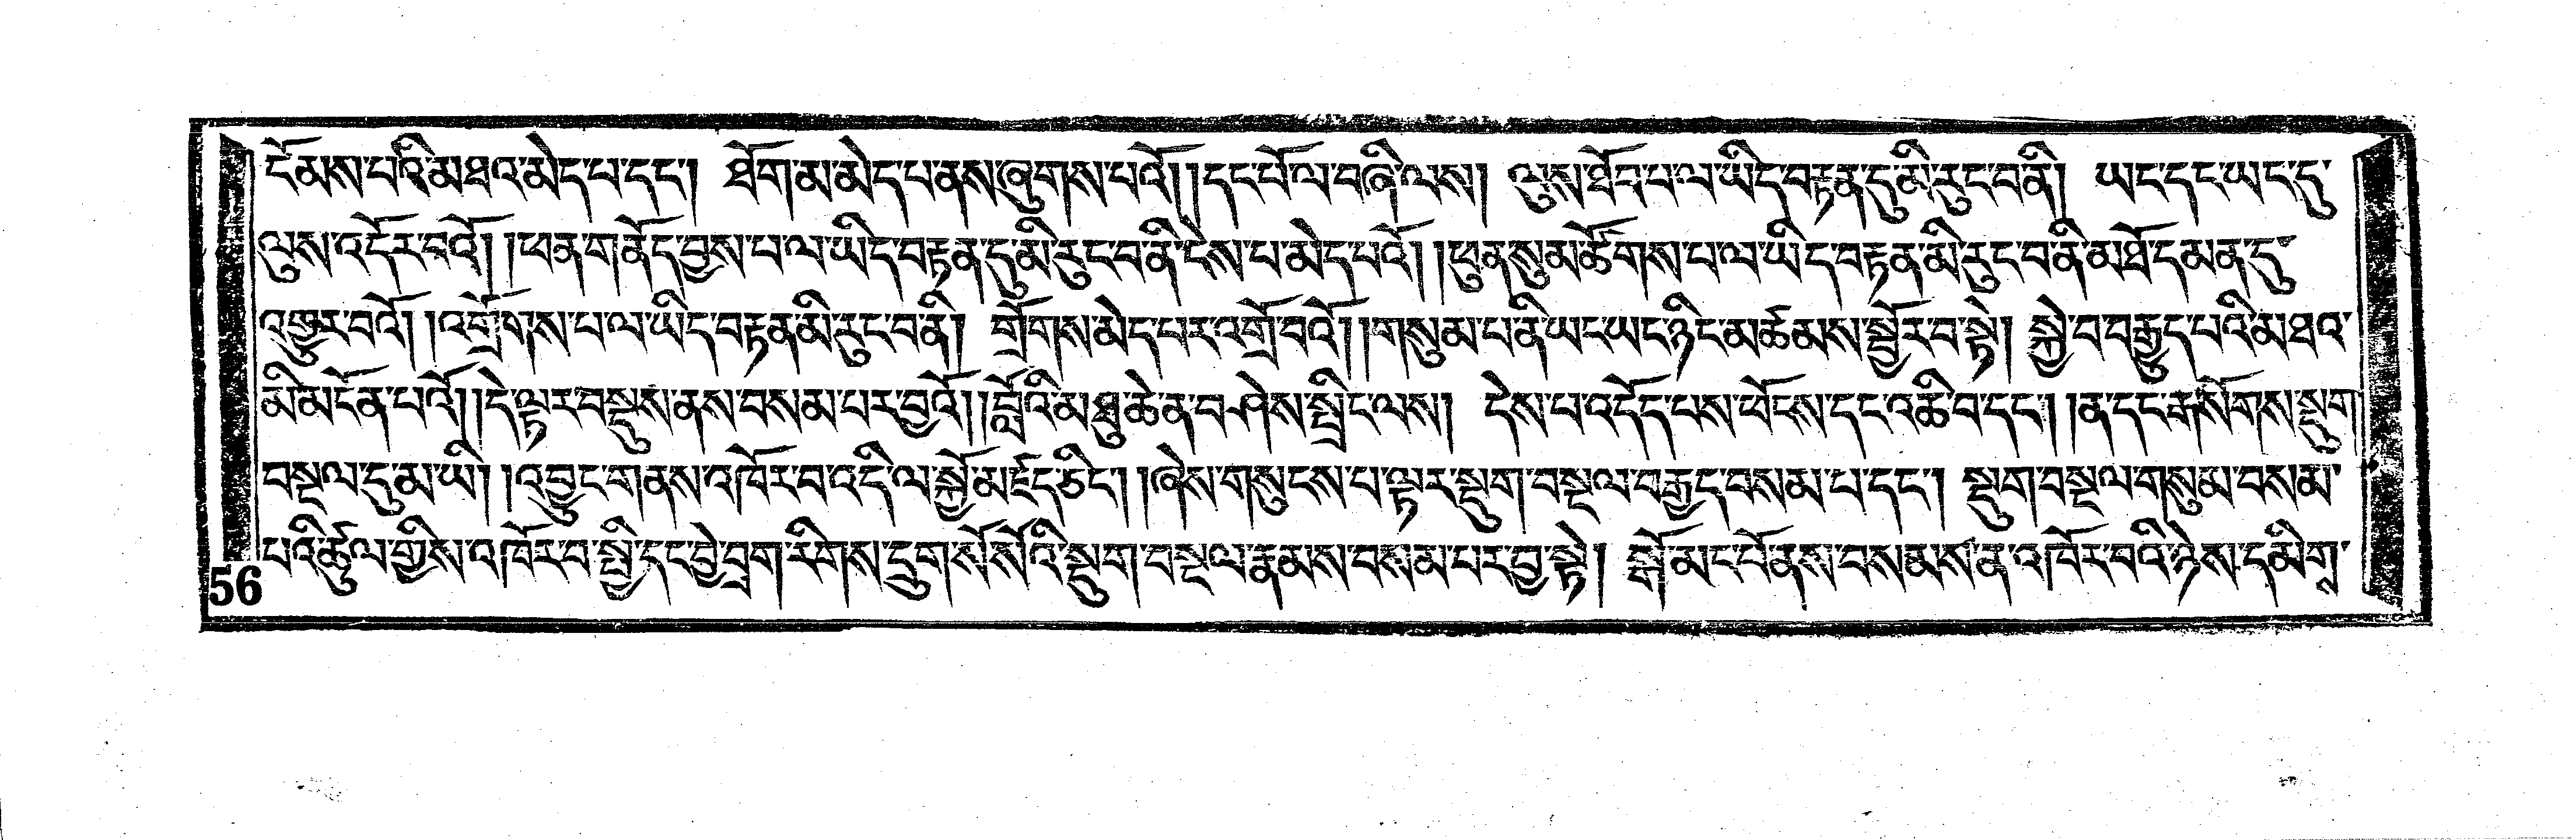ངོམས་པའི་མཐའ་མེད་པ་དང་། ཐོག་མ་མེད་པ་ནས་ཞུགས་པའོ། །དང་པོ་ལ་བཞི་ལས། ལུས་ཐོབ་པ་ལ་ཡིད་བརྟན་དུ་མི་རུང་བ་ནི། ཡང་དང་ཡང་དུ་
ལུས་འདོར་བའོ། །ཕན་གནོད་བྱས་པ་ལ་ཡིད་བརྟན་དུ་མི་རུང་བ་ནི་ངེས་པ་མེད་པའོ། །ཕུན་སུམ་ཚོགས་པ་ལ་ཡིད་བརྟན་མི་རུང་བ་ནི་མཐོ་དམན་དུ་
འགྱུར་བའོ། །འགྲོགས་པ་ལ་ཡིད་བརྟན་མི་རུང་བ་ནི། གྲོགས་མེད་པར་འགྲོ་བའོ། །གསུམ་པ་ནི་ཡང་ཡང་ཉིང་མཚམས་སྦྱོར་བ་སྟེ། སྐྱེ་བ་བརྒྱུད་པའི་མཐའ་
མི་མངོན་པའོ། །དེ་ལྟར་བསྡུས་ནས་བསམ་པར་བྱའོ། །བློའི་མཐུ་ཆེ་ན་བཤེས་སྤྲིང་ལས། དེས་པ་འདོད་པས་ཕོངས་དང་འཆི་བ་དང་། །ན་དང་རྒ་སོགས་སྡུག་
བསྔལ་དུ་མ་ཡི། །འབྱུང་གནས་འཁོར་བ་འདི་ལ་སྐྱོ་མཛད་ཅིང་། །ཞེས་གསུངས་པ་ལྟར་སྡུག་བསྔལ་བརྒྱད་བསམ་པ་དང་། སྡུག་བསྔལ་གསུམ་བསམ་
པའི་ཚུལ་གྱིས་འཁོར་བ་སྤྱི་དང་བྱེ་བྲག་རིགས་དྲུག་སོ་སོའི་སྡུག་བསྔལ་རྣམས་བསམ་པར་བྱ་སྟེ། སྒོ་མང་པོ་ནས་བསམས་ན་འཁོར་བའི་ཉེས་དམིགས་